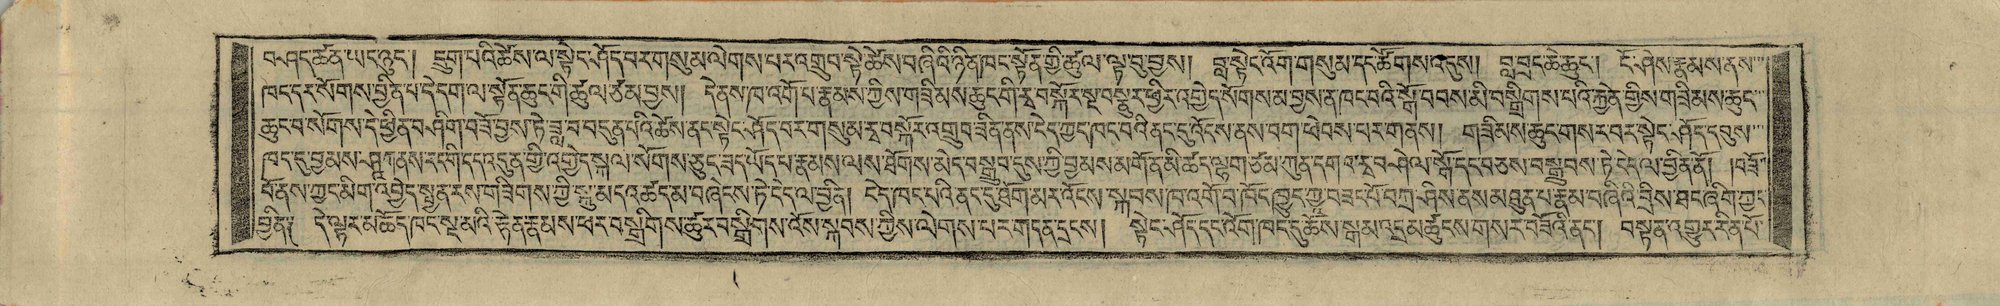བཤད་ཚན་ཡང་ཉུང་། དྲུག་པའི་ཚེས་ལ་སྟེང་ཤོད་བར་གསུམ་ལེགས་པར་འགྲུབ་སྟེ་ཚེས་བཞིའི་ཉིན་ཁང་སྟོན་གྱི་ཚུལ་ལྟ་བུ་བྱས། བླ་སྟེང་འོག་གསུམ་དང་ཚོགས་འདུས། བླ་བྲང་ཆེ་ཆུང་། ངོ་ཤེས་རྣམས་ནས་
ཁང་དར་སོགས་བྱིན་པ་དེ་དག་ལ་སྟོན་ཆུང་གི་ཚུལ་ཙམ་བྱས། དེ་ནས་ཁ་འགོ་པ་རྣམས་ཀྱིས་གཟིམས་ཆུང་གི་རྭ་བསྐོར་སྔ་བསྣུར་ཕྱིར་འགྱེད་སོགས་མ་བྱས་ན་ཁང་བའི་སྒོ་བབས་མི་བསྒྲིགས་པའི་རྐྱེན་གྱིས་གཟིམས་ཆུང་
ཆུང་བ་སོགས་དེ་ཕྱིན་བཤིག་བཟོ་བྱས་ཏེ་ཟླ་བ་བདུན་པའི་ཚེས་ནང་སྟེང་ཤོད་བར་གསུམ་རྭ་བསྐོར་འགྲུབ་ཟིན་ནས་ངེད་ཀྱང་ཁང་བའི་ནང་དུ་འོངས་ནས་བག་ཕེབས་པར་གནས། གཟིམས་ཆུང་གསར་བར་སྟེང་ཤོད་དབུས་
ཁང་དུ་བྱམས་ཤཱཀ་ནས་རང་གི་དད་འདུན་གྱི་འགྱེད་སྐལ་སོགས་ཅུང་ཟད་ཡོད་པ་རྣམས་ལས་ཐོགས་མེད་བསྒྲུབ་དུས་ཀྱི་བྱམས་མགོན་མི་ཚད་ལྷག་ཙམ་ཀུན་དགའ་རྭ་བཤེལ་སྒོ་དང་བཅས་བསྒྲུབས་ཏེ་ངེད་ལ་བྱིན་ནོ། །བཟོ་
བོ་ནས་ཀྱང་མིག་འབྱེད་སྤྱན་རས་གཟིགས་ཀྱི་སྐུ་མདའ་ཚད་མ་བཞེངས་ཏེ་ངེད་ལ་བྱིན། ངེད་ཁང་པའི་ནང་དུ་ཐོག་མར་འོངས་སྐབས་ཁ་འགོ་བ་ཁོང་ཁྱུང་ཀྱཱ་བཟང་པོ་བཀྲ་ཤིས་ནས་མཐུན་པ་རྣམ་བཞིའི་བྲིས་ཐང་ཞིག་ཀྱང་
བྱིན། དེ་ལྟར་མཆོད་ཁང་སྔ་མའི་རྟེན་རྣམས་ཕར་བསྒྲིགས་ཚུར་བསྒྲིགས་འོས་སྐབས་ཀྱིས་ལེགས་པར་གདན་དྲངས། སྟེང་ཤོད་དང་འོག་ཁང་དུ་ཆོས་སྒམ་འདྲ་མཚུངས་གསར་བཟོའི་ནང་། བསྟན་འགྱུར་རིན་པོ་